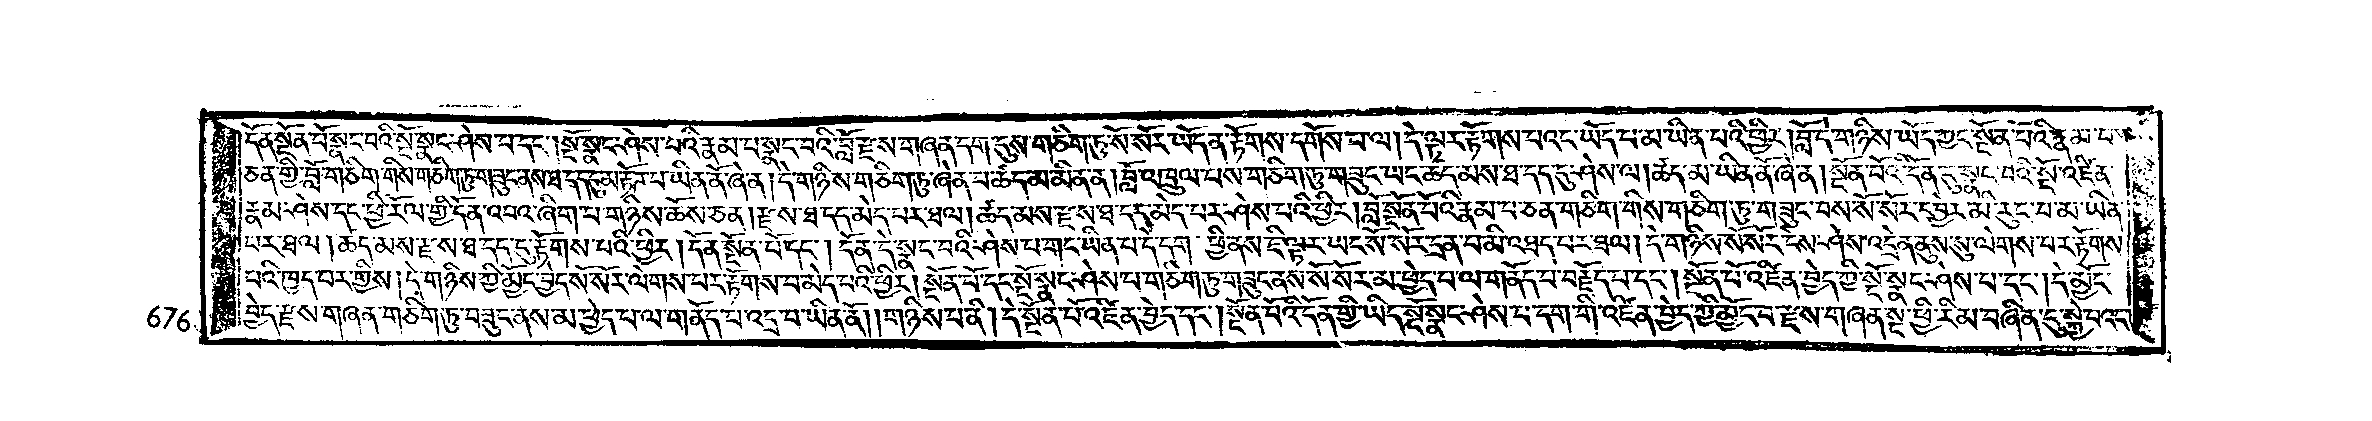དོན་སྔོན་པོ་སྣང་བའི་སྔོ་སྣང་ཤེས་པ་དང་། སྔོ་སྣང་ཤེས་པའི་རྣམ་པ་སྣང་བའི་བློ་རྫས་གཞན་དག་དུས་གཅིག་ཏུ་སོ་སོར་ཡོད་ན་རྟོགས་དགོས་པ་ལ། དེ་ལྟར་རྟོགས་པའང་ཡོད་པ་མ་ཡིན་པའི་ཕྱིར། བློ་དེ་གཉིས་ཡོད་ཀྱང་སྔོན་པོའི་རྣམ་པ་
ཅན་གྱི་བློ་གཅིག་གིས་གཅིག་ཏུ་གཟུང་ནས་ཐ་དད་དུ་མ་རྟེཌ་པ་ཡིན་ནོ་ཞེ་ན། དེ་གཉིས་གཅིག་ཏུ་ཞེན་པ་ཚད་མ་མིན་ན། བློ་འཁྲུལ་པས་གཅིག་ཏུ་གཟུང་ཡང་ཚད་མས་ཐ་དད་དུ་ཤེས་ལ། ཚད་མ་ཡིན་ནོ་ཞེ་ན། སྔོན་པོའི་དོན་དུ་སྣང་བའི་སྔོ་འཛིན་
རྣམ་ཤེས་དང་ཕྱི་རོལ་གྱི་དོན་འབའ་ཞིག་པ་གཉིས་ཆོས་ཅན། རྫས་ཐ་དད་མེད་པར་ཐལ། ཚད་མས་རྫས་ཐ་དད་མེད་པར་ཤེས་པའི་ཕྱིར། བློ་སྔོན་པོའི་རྣམ་པ་ཅན་གཅིག་གིས་གཅིག་ཏུ་གཟུང་བས་སོ་སོར་དབྱེར་མི་རུང་པ་མ་ཡིན་
པར་ཐལ། ཚད་མས་རྫས་ཐ་དད་དུ་རྟོགས་པའི་ཕྱིར། དོན་སྔོན་པོ་དང་། དོན་དེ་སྣང་བའི་ཤེས་པ་གང་ཡིན་པ་དེ་དག་ཕྱི་ནས་ཇི་ལྟར་ཡང་སོ་སོར་དྲན་པ་མི་འཐད་པར་ཐལ། དེ་གཉིས་སོ་སོར་ངེས་ཤེས་འདྲེན་ནུས་སུ་ལེགས་པར་རྟོགས་
པའི་ཁྱད་པར་གྱིས། དེ་གཉིས་ཀྱི་མྱོང་བྱེད་སོ་སོར་ལེགས་པར་རྟོགས་པ་མེད་པའི་ཕྱིར། སྔོན་པོ་དང་སྔོ་སྣང་ཤེས་པ་གཅིག་ཏུ་གཟུང་ནས་སོ་སོར་མ་ཕྱེད་པ་ལ་གནོད་པ་བརྗོད་པ་དང་། སྔོན་པོ་འཛིན་བྱེད་ཀྱི་སྔོ་སྣང་ཤེས་པ་དང་། དེ་མྱོང་
བྱེད་རྫས་གཞན་གཅིག་ཏུ་བཟུང་ནས་མ་ཕྱེད་པ་ལ་གནོད་པ་འདྲ་བ་ཡིན་ནོ། །གཉིས་པ་ནི། དེ་སྔོན་པོ་འཛིན་བྱེད་དང་། སྔོན་པོའི་དོན་གྱི་ཡིད་སྔོ་སྣང་ཤེས་པ་དག་གི་འཛིན་བྱེད་ཀྱི་མྱོང་བ་རྫས་གཞན་སྔ་ཕྱི་རིམ་བཞིན་དུ་སྐྱེ་བའང་